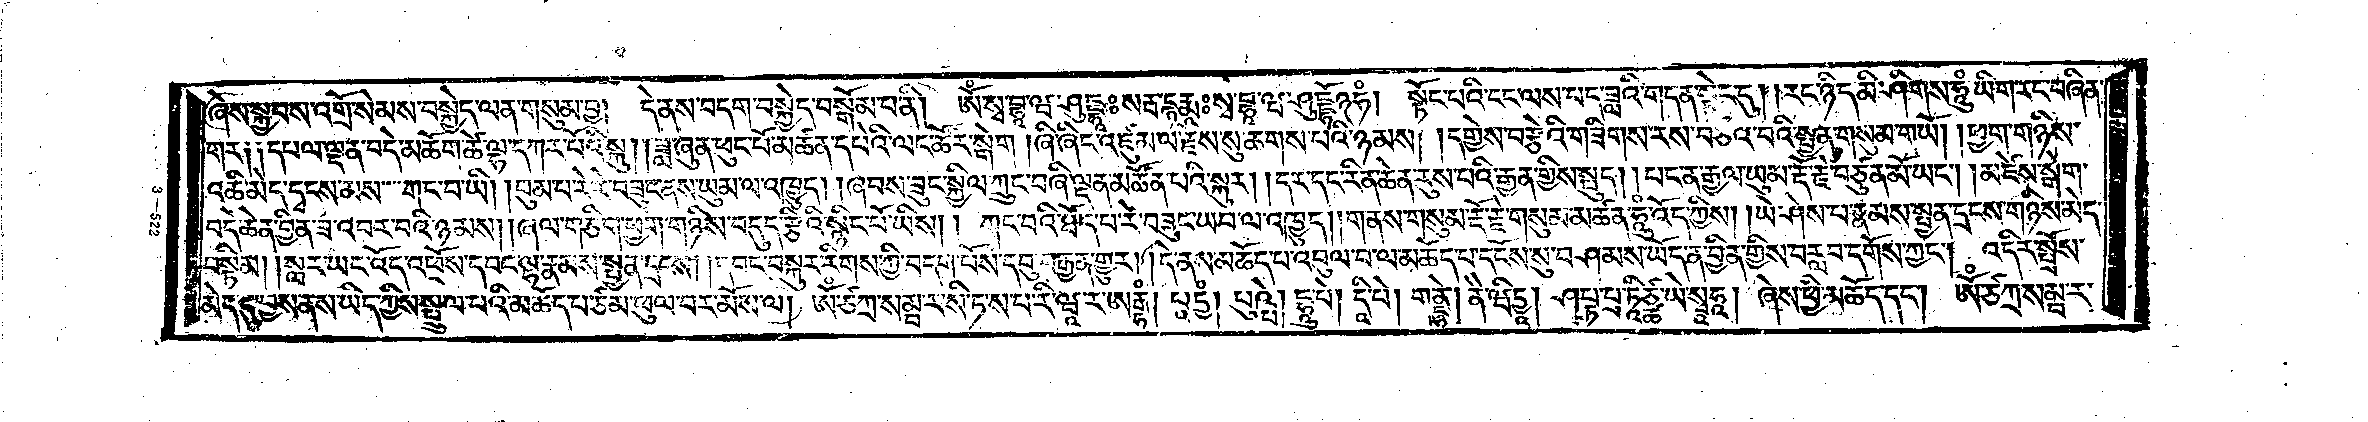ཞེས་སྐྱབས་འགྲོ་སེམས་བསྐྱེད་ལན་གསུམ་བྱ། དེ་ནས་བདག་བསྐྱེད་བསྒོམ་པ་ནི། ཨོཾ་སྭབྷཱ་ཝ་ཤུདྡྷཱཿསརྦ་དྷརྨཱཿསྭ་བྷཱ་ཝ་ཤུདྡྷོཉཧཾ། སྟོང་པའི་ངང་ལས་པད་ཟླའི་གདན་སྟེང་དུ། །རང་ཉིད་མི་ཤིགས་ཧཱུཾ་ཡིག་རང་བཞིན་
གར༑ ༑དཔལ་ལྡན་བདེ་མཆོག་ཚེ་ལྷ་དཀར་པོའི་སྐུ། །ཟླ་ཞུན་ཕུང་པོ་མཚན་དཔེའི་ལང་ཚོར་སྒེག །ཞི་ཞིང་འཛུམ་ལ་རྗེས་སུ་ཆགས་པའི་ཉམས། །དགྱེས་བརྩེའི་གཟིགས་རས་བཅའ་བའི་སྤྱན་གསུམ་གཡོ། །ཕྱག་གཉིས་
འཆི་མེད་དྭངས་མས་གང་བ་ཡི། །བུམ་པ་རེ་རེ་བཟུང་ནས་ཡུམ་ལ་འཁྱུད། །ཞབས་ཟུང་སྐྱིལ་ཀྲུང་བཞི་ལྡན་མཚོན་པའི་སྐུར། །དར་དང་རིན་ཆེན་རུས་པའི་རྒྱན་གྱིས་སྤུད། །པང་ན་རྒྱལ་ཡུམ་རྡོ་རྗེ་བཙུན་མོ་ཡང་། །མཛེས་སྒེག་
བདེ་ཆེན་བྱིན་ཟ་འབར་བའི་ཉམས། །ཞལ་གཅིག་ཕྱག་གཉིས་བདུད་རྩིའི་སྙིང་པོ་ཡིས། །གང་བའི་ཐོད་པ་རེ་བཟུང་ཡབ་ལ་འཁྱུད། །གནས་གསུམ་རྡོ་རྗེ་གསུམ་མཚན་ཧཱུཾ་འོད་ཀྱིས། །ཡེ་ཤེས་པ་རྣམས་སྤྱན་དྲངས་གཉིས་མེད་
བསྟིམ། །སླར་ཡང་འོད་འཕྲོས་དབང་ལྷ་རྣམས་སྤྱན་དྲངས། །དབང་བསྐུར་རིགས་ཀྱི་བདག་པོས་དབུ་བརྒྱན་གྱུར། །དེ་ནས་མཆོད་པ་འབུལ་བ་ལ་མཆོད་པ་དངོས་སུ་བཤམས་ཡོད་ན་བྱིན་གྱིས་བརླབ་དགོས་ཀྱང་། འདིར་སྤྲོས་
མེད་དུ་བྱས་ནས་ཡིད་ཀྱིས་སྤྲུལ་པའི་མཆོད་པ་ཙམ་ཕུལ་བར་མོས་ལ། ཨོཾ་ཙཀྲ་སམྦྷ་ར་སི་ཏ་ས་པ་རི་ཝཱ་ར་ཨརྒྷཾ། པཱ་དྱཾ། པུཥྤེ། དྷཱུ་པེ། དཱི་པེ། གནྡྷེ། ནཻ་ཝིདྱཱ། ཤཔྟ་པྲ་ཏཱི་ཙྪ་ཡེ་སྭཱཧཱ། ཞེས་ཕྱི་མཆོད་དང་། ཨོཾ་ཙཀྲ་སམྦྷ་ར་